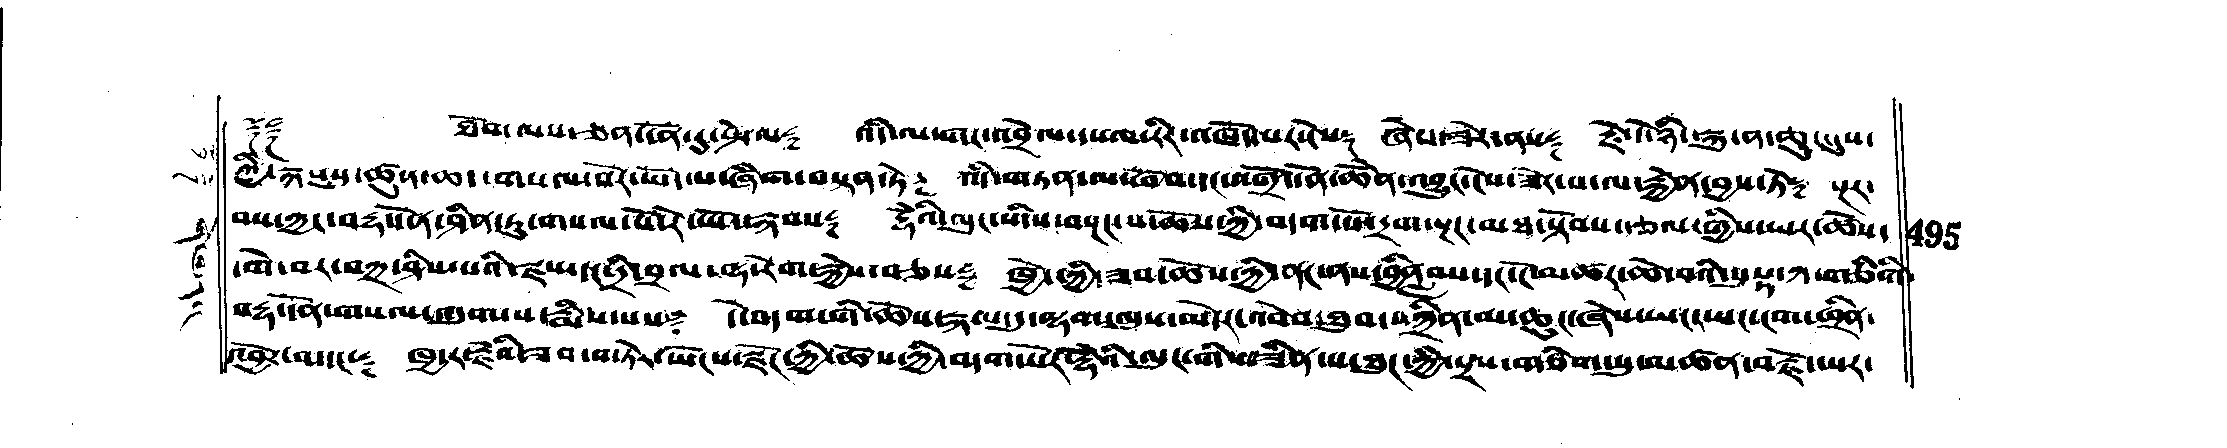ཐོབ་ལས་ཅན་དོན་དུ་སྤེལ། །འདི་ལ་གང་འབྲེལ་དཔལ་རིར་འཁོད་པར་ངེས། །ཞེས་ཟེར་ནས།རྗེ་དེ་ཉིད་སྐུ་ན་ཆུང་དུས་
ཀྱི་སྐབས་སུ་ཚུན་ཆད་གསལ་བོར་ཡོད་པ་ཞིག་བསྟན་ཏེ། འདི་གཏན་ལ་ཕོབ་དང་འགྲོ་དོན་ཆེན་པོ་འབྱུང་ངེས་ཟེར་བ་ལ་རྐྱེན་བྱས་ཏེ། སྔར་
བས་ཀྱང་བརྡ་དོན་ཤིན་ཏུ་གསལ་པོ་རེ་ཡོད་སྐབས། རྡོ་རྗེའི་ལུང་གིས་བསྔགས་པ་ཆོས་ཀྱི་བདག་པོ་དྲག་སྔགས་མཐུ་སྟོབས་རྩལ་གྱིས་ཡར་ཚེས་
དགེ་བར་བཀྲ་ཤིས་པའི་རྫས་དང་དྲི་བྲལ་ལྷ་རེག་སྐྱེས་བཅས། ཁྱོད་ཀྱི་ཟབ་ཆོས་ཀྱི་ནང་ནས་བྱིན་རླབས་དང་ངོ་མཚར་ཆེ་བའི་པུསྟི་ཀ་གཅིག་གི་
བརྡ་དོན་གསལ་འདུག་པ་རྨིས་པས། དེ་བདག་གི་ཆོས་སྐལ་དུ་ལྷག་ལུས་མེད་པར་འབེབས་ཐུབ་བཀའ་དྲིན་མ་ཆུང་ཞེས་ཡང་ཡང་ངག་ཕྲིན་
འབྱོར་བ་དང་། ཁྱད་པར་རྗེའི་ཟབ་གཏེར་ཡོངས་རྫོགས་ཀྱི་ཆོས་ཀྱི་བདག་པོར་རྡོ་རྗེའི་ལུང་གིས་ཟིན་པ་ཐུགས་ཀྱི་སྲས་གཅིག་པུ་མཚན་བརྗོད་པར་